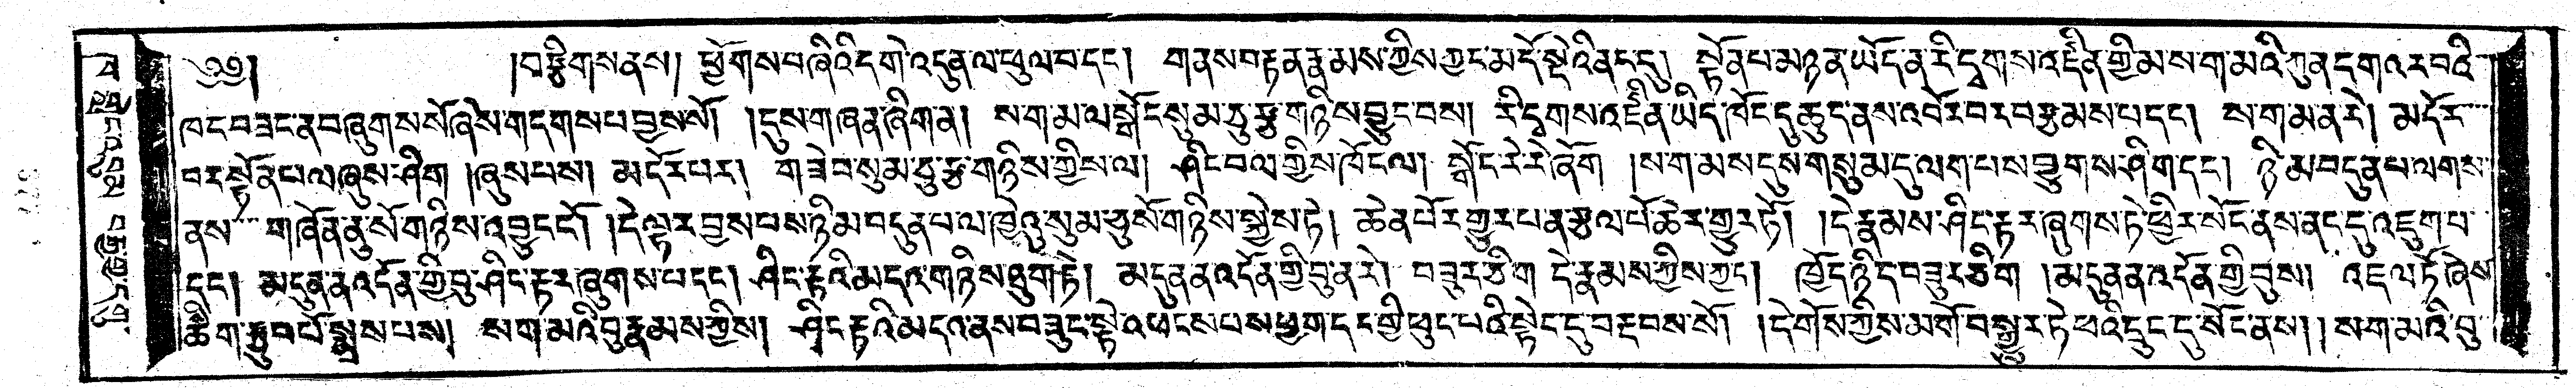༄༅། །བརྩིགས་ནས། ཕྱོགས་བཞིའི་དགེ་འདུན་ལ་ཕུལ་བ་དང་། གནས་བརྟན་རྣམས་ཀྱིས་ཀྱང་མདོ་སྡེའི་ནང་དུ། སྟོན་པ་མཉན་ཡོད་ན་རི་དྭགས་འཛིན་གྱི་མ་ས་ག་མའི་ཀུན་དགའ་ར་བའི་
ཁང་བཟང་ན་བཞུགས་སོ་ཞེས་གདགས་པ་བྱས་སོ། །དུས་གཞན་ཞིག་ན། ས་ག་མ་ལ་སྒོང་སུམ་ཅུ་རྩ་གཉིས་བྱུང་བས། རི་དྭགས་འཛིན་ཡིད་ཁོང་དུ་ཆུད་ནས་འབོར་བར་བརྩམས་པ་དང་། ས་ག་མ་ན་རེ། མདོར་
བར་སྟོན་པ་ལ་ཞུས་ཤིག །ཞུས་པས། མདོར་པར། གཟེབ་སུམ་ཅུ་རྩ་གཉིས་གྱིས་ལ། ཤིང་བལ་གྱིས་ཁོང་ལ། སྒོ་ང་རེ་རེ་ཞོག །ས་ག་མས་དུས་གསུམ་དུ་ལག་པས་བྱུགས་ཤིག་དང་། ཉི་མ་བདུན་པ་ལགས་
ནས་གཞོན་ནུ་སོ་གཉིས་འབྱུང་ངོ། །དེ་ལྟར་བྱས་བས་ཉི་མ་བདུན་པ་ལ་ཁྱེའུ་སུམ་ཅུ་སོ་གཉིས་སྐྱེས་ཏེ། ཆེན་པོར་གྱུར་པ་ན་རྩལ་པོ་ཆེར་གྱུར་ཏོ། །དེ་རྣམས་ཤིང་རྟར་ཞུགས་ཏེ་ཕྱིར་སོང་ནས་ནང་དུ་འཇུག་པ་
དང་། མདུན་ན་འདོན་གྱི་བུ་ཤིང་རྟར་ཞུགས་པ་དང་། ཤིང་རྟའི་མདའ་གཉིས་ཐུག་ཏེ། མདུན་ན་འདོན་གྱི་བུ་ན་རེ། བཟུར་ཅིག་དེ་རྣམས་ཀྱིས་ཀྱང་། ཁྱོད་ཉིད་བཟུར་ཅིག །མདུན་ན་འདོན་གྱི་བུས། འཇལ་ཏོ་ཞེས་
ཚིག་རྩུབ་པོ་སྨྲས་པས། སག་མའི་བུ་རྣམས་ཀྱིས། ཤིང་རྟའི་མདའ་ནས་བཟུང་སྟེ་འཕངས་པས་ཕྱག་དང་གྱི་ཕུང་པའི་སྟེང་དུ་བརྡབས་སོ། །དེ་གོས་ཀྱིས་མགོ་བསྒྱུར་ཏེ་ཕའི་དྲུང་དུ་སོང་ནས། །སག་མའི་བུ་